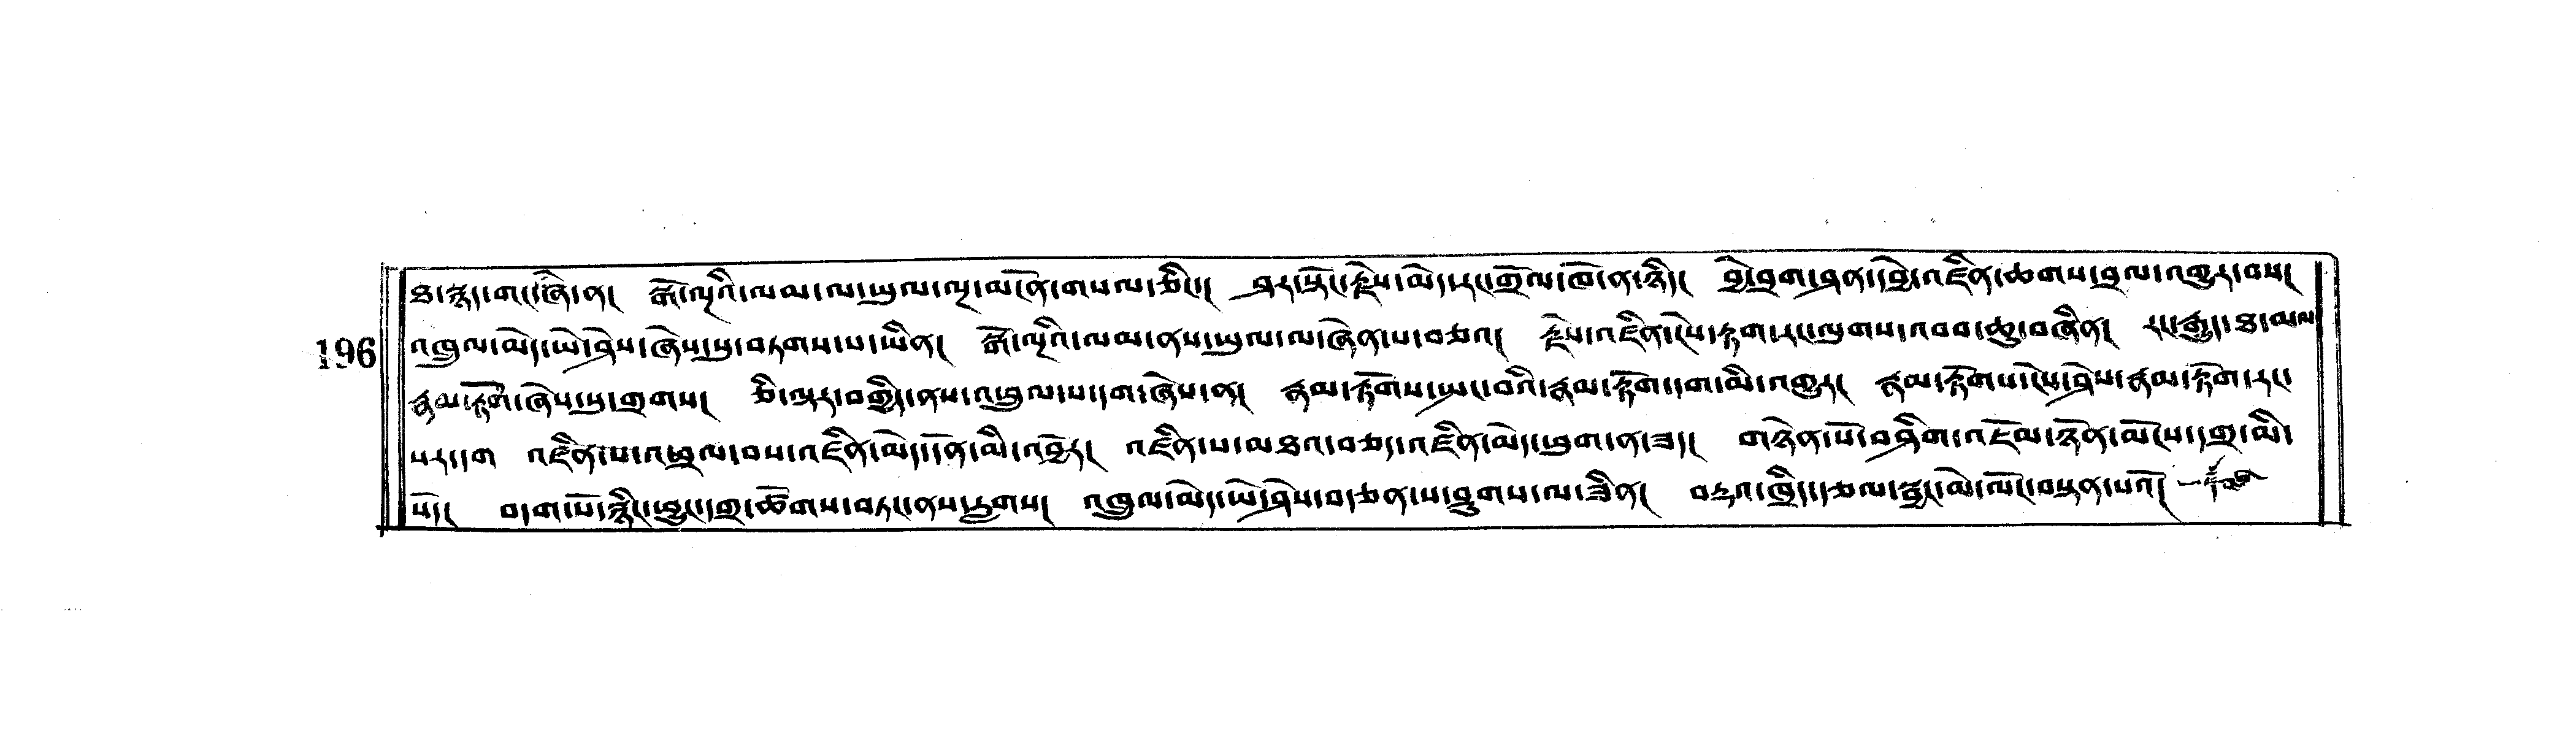ཐ་སྙད་གང་ཞེ་ན། སྒོ་ལྔའི་ལམ་ལ་ཡུལ་ལྔ་མངོན་གསལ་ཞིང་། ཤར་སྟོང་རྗེས་མེད་རང་གྲོལ་ཁོ་ན་ཉིད། བྱེ་བྲག་ཤན་དབྱེ་འཛིན་ཆགས་བྲལ་འགྱུར་བས། 
འཁྲུལ་མེད་ཡེ་ཤེས་ཞེས་སུ་བཏགས་པ་ཡིན། སྒོ་ལྔའི་ལམ་ནས་ཡུལ་ལ་ཞེན་པ་བཅའ། རྗེས་འཛིན་ངེས་རྟག་རང་ལུགས་འབབ་ཆུ་བཞིན། རང་རྒྱུད་ཐ་མལ་
རྣམ་རྟོག་ཞེས་སུ་གྲགས། ཅི་ལྟར་བགྱིད་ནས་འཁྲུལ་པ་དག་ཅེ་ན། རྣམ་རྟོག་སྤང་བས་རྣམ་རྟོག་དག་མི་འགྱུར། རྣམ་རྟོག་ངེས་ཤེས་རྣམ་རྟོག་རང་
སར་དག འཛིན་པ་འཕྲལ་བས་འཛིན་མེད་དོན་མི་འབྱོར། འཛིན་པ་མཐའ་བཅད་འཛིན་མེད་ཕུག་ན་ཟད། གཉེན་པོ་བཤིགས་འཇོམས་ཉོན་མོངས་དགྲ་མི་
སོད། བདག་པོ་སྙིང་ཕྱུང་དགྲ་ཚོགས་བཏང་ནས་བརླག འཁྲུལ་མེད་ཡེ་ཤེས་བཙན་པ་ཤུགས་ལ་ཟིན། བརྡའ་ཁྲིད་རྩལ་སྦྱང་མེ་ལོང་བསྟན་པའོ། །